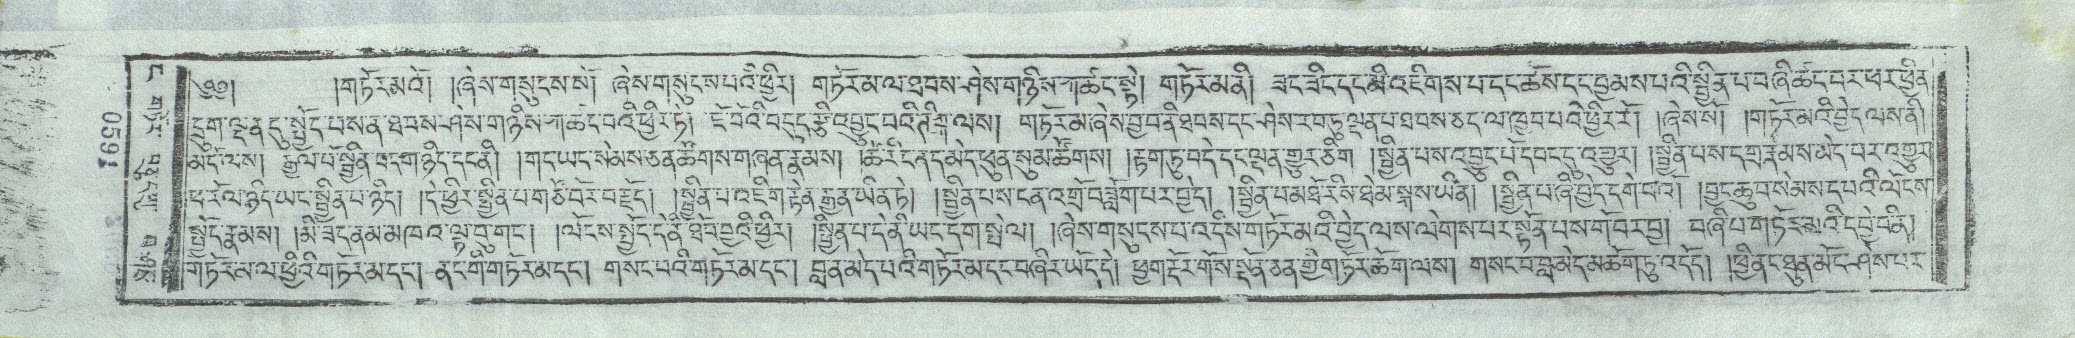༄༅། །གཏོར་མའོ༑ །ཞེས་གསུངས་སོ། ཞེས་གསུངས་པའི་ཕྱིར། གཏོར་མ་ལ་ཐབས་ཤེས་གཉིས་ཀ་ཚང་སྟེ། གཏོར་མ་ནི། ཟང་ཟིང་དང་མི་འཇིགས་པ་དང་ཆོས་དང་བྱམས་པའི་སྦྱིན་པ་བཞི་ཚང་བར་ཕར་ཕྱིན་
དྲུག་ལྡན་དུ་སྤྱོད་པས་ན་ཐབས་ཤེས་གཉིས་ཀ་ཚང་བའི་ཕྱིར་ཏེ། ཇོ་བོའི་བདུད་རྩི་འབྱུང་བའི་ཊིཀྐ་ལས། གཏོར་མ་ཞེས་བྱ་བ་ནི་ཐབས་དང་ཤེས་རབ་ཏུ་ལྡན་པ་ཐབས་ཅད་ལ་ཁྱབ་པའི་ཕྱིར་རོ། །ཞེས་སོ། །གཏོར་མའི་བྱེད་ལས་ནི།
མང་ལས། རྒྱལ་པོ་སྦྱིན་བདག་ཉིད་དང་ནི། །གང་ཡང་སེམས་ཅན་ཚོགས་གཞན་རྣམས། །ཚེ་རིང་ནང་མེད་ཕུན་སུམ་ཚོགས། །རྟག་ཏུ་བདེ་དང་ལྡན་གྱུར་ཅིག །སྦྱིན་པས་འབྱུང་པོ་དབང་དུ་འགྱུར། །སྦྱིན་པས་དགྲ་རྣམས་མེད་པར་འགྱུར།
ཕ་རོལ་ཉིད་ཡང་སྦྱིན་པ་ཉིད། །དེ་ཕྱིར་སྦྱིན་པ་གཙོ་བོར་བརྗོད། །སྦྱིན་པ་འཇིག་རྟེན་རྒྱན་ཡིན་ཏེ། །སྦྱིན་པས་ངན་འགྲོ་བཟློག་པར་བྱེད། །སྦྱིན་པ་མཐོ་རིས་ཐེམ་སྐས་ཡིན། །སྦྱིན་པ་ཞི་བྱེད་དགེ་བའོ། །བྱང་ཆུབ་སེམས་དཔའི་ལོངས་
སྤྱོད་རྣམས། །མི་ཟད་ནམ་མཁའ་ལྟ་བུ་གང་། །ལོངས་སྤྱོད་དོན་ཐོབ་བྱའི་ཕྱིར། །སྤྱིན་པ་དེ་ནི་ཡང་དག་སྤེལ། །ཞེས་གསུངས་པ་འདིས་གཏོར་མའི་བྱེད་ལས་ལེགས་པར་སྟོན་པས་གོ་བར་བྱ། བཞི་པ་གཏོར་མའི་དབྱེ་བ་ནི།
གཏོར་མ་ལ་ཕྱིའི་གཏོར་མ་དང་། ནང་གི་གཏོར་མ་དང་། གསང་པའི་གཏོར་མ་དང་། བླ་ན་མེད་པའི་གཏོར་མ་དང་བཞིར་ཡོད་དེ། ཕྱག་རྡོར་གོས་སྔོན་ཅན་གྱི་གཏོར་ཆོག་ལས། གསང་པ་བླ་མེད་མཆོག་ཏུ་འདོད། །ཕྱི་ནང་ཐུན་མོང་ཤེས་པར་